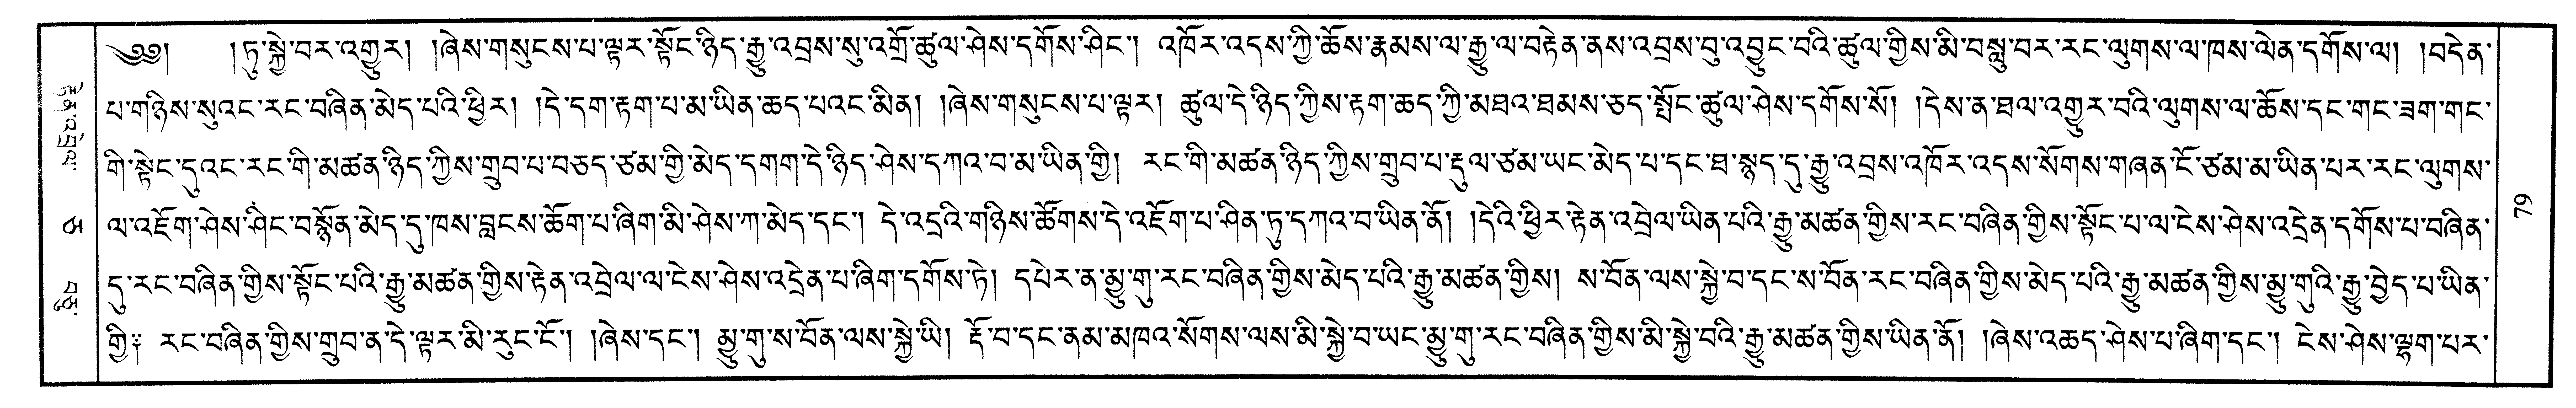༄༅། །ཏུ་སྐྱེ་བར་འགྱུར། །ཞེས་གསུངས་པ་ལྟར་སྟོང་ཉིད་རྒྱུ་འབྲས་སུ་འགྲོ་ཚུལ་ཤེས་དགོས་ཤིང་། འཁོར་འདས་ཀྱི་ཆོས་རྣམས་ལ་རྒྱུ་ལ་བརྟེན་ནས་འབྲས་བུ་འབྱུང་བའི་ཚུལ་གྱིས་མི་བསླུ་བར་རང་ལུགས་ལ་ཁས་ལེན་དགོས་ལ། །བདེན་
པ་གཉིས་སུའང་རང་བཞིན་མེད་པའི་ཕྱིར། །དེ་དག་རྟག་པ་མ་ཡིན་ཆད་པའང་མིན། །ཞེས་གསུངས་པ་ལྟར། ཚུལ་དེ་ཉིད་ཀྱིས་རྟག་ཆད་ཀྱི་མཐའ་ཐམས་ཅད་སྤོང་ཚུལ་ཤེས་དགོས་སོ། །དེས་ན་ཐལ་འགྱུར་བའི་ལུགས་ལ་ཆོས་དང་གང་ཟག་གང་
གི་སྟེང་དུའང་རང་གི་མཚན་ཉིད་ཀྱིས་གྲུབ་པ་བཅད་ཙམ་གྱི་མེད་དགག་དེ་ཉིད་ཤེས་དཀའ་བ་མ་ཡིན་གྱི། རང་གི་མཚན་ཉིད་ཀྱིས་གྲུབ་པ་རྡུལ་ཙམ་ཡང་མེད་པ་དང་ཐ་སྙད་དུ་རྒྱུ་འབྲས་འཁོར་འདས་སོགས་གཞན་ངོ་ཙམ་མ་ཡིན་པར་རང་ལུགས་
ལ་འཇོག་ཤེས་ཤིང་བསྙོན་མེད་དུ་ཁས་བླངས་ཆོག་པ་ཞིག་མི་ཤེས་ཀ་མེད་དང་། དེ་འདྲའི་གཉིས་ཚོགས་དེ་འཇོག་པ་ཤིན་ཏུ་དཀའ་བ་ཡིན་ནོ། །དེའི་ཕྱིར་རྟེན་འབྲེལ་ཡིན་པའི་རྒྱུ་མཚན་གྱིས་རང་བཞིན་གྱིས་སྟོང་པ་ལ་ངེས་ཤེས་འདྲེན་དགོས་པ་བཞིན་
དུ་རང་བཞིན་གྱིས་སྟོང་པའི་རྒྱུ་མཚན་གྱིས་རྟེན་འབྲེལ་ལ་ངེས་ཤེས་འདྲེན་པ་ཞིག་དགོས་ཏེ། དཔེར་ན་མྱུ་གུ་རང་བཞིན་གྱིས་མེད་པའི་རྒྱུ་མཚན་གྱིས། ས་བོན་ལས་སྐྱེ་བ་དང་ས་བོན་རང་བཞིན་གྱིས་མེད་པའི་རྒྱུ་མཚན་གྱིས་མྱུ་གུའི་རྒྱུ་བྱེད་པ་ཡིན་
གྱི༑ རང་བཞིན་གྱིས་གྲུབ་ན་དེ་ལྟར་མི་རུང་ངོ། །ཞེས་དང་། མྱུ་གུ་ས་བོན་ལས་སྐྱེ་ཡི། རྡོ་བ་དང་ནམ་མཁའ་སོགས་ལས་མི་སྐྱེ་བ་ཡང་མྱུ་གུ་རང་བཞིན་གྱིས་མི་སྐྱེ་བའི་རྒྱུ་མཚན་གྱིས་ཡིན་ནོ། །ཞེས་འཆད་ཤེས་པ་ཞིག་དང་། ངེས་ཤེས་ལྷག་པར་